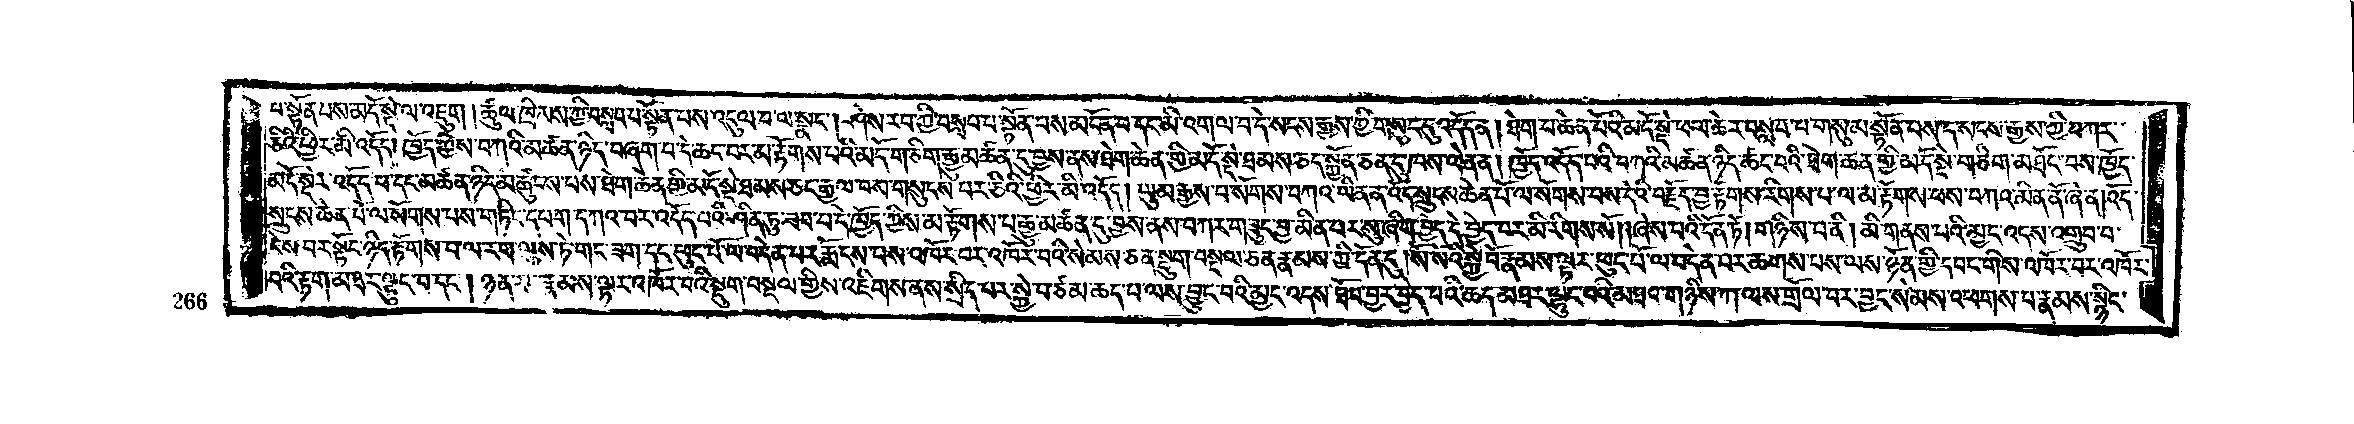པ་སྟོན་པས་མདོ་སྡེ་ལ་འཇུག །ཚུལ་ཁྲིམས་ཀྱི་བསླབ་པ་སྟོན་པས་འདུལ་བ་ལ་སྣང་། ཤེས་རབ་ཀྱི་བསླབ་པ་སྟོན་པས་མངོན་པ་དང་མི་འགལ་བ་དེ་སངས་རྒྱས་ཀྱི་གསུང་དུ་འདོད་ན། ཐེག་པ་ཆེན་པོའི་མདོ་སྡེ་ཕལ་ཆེར་བསླབ་པ་གསུམ་སྟོན་པས་དེ་སངས་རྒྱས་ཀྱི་བཀར་
ཅིའི་ཕྱིར་མི་འདོད། ཁྱོད་ཀྱིས་བཀའི་མཚན་ཉིད་བཞག་པ་དེ་ཆད་པར་མ་རྟོགས་པའི་མདོ་གཅིག་རྒྱུ་མཚན་དུ་བྱས་ནས་ཐེག་ཆེན་གྱི་མདོ་སྡེ་ཐམས་ཅད་སྐྱོན་ཅན་དུ་ཁས་ལེན་ན། ཁྱོད་འདོད་པའི་བཀའི་མཚན་ཉིད་ཚང་བའི་ཐེག་ཆེན་གྱི་མདོ་སྡེ་གཅིག་མཐོང་བས་ཁྱོད་
མདོ་སྡེར་འདོད་པ་དང་མཚན་ཉིད་མཚུངས་པས་ཐེག་ཆེན་གྱི་མདོ་སྡེ་ཐམས་ཅད་རྒྱལ་བས་གསུངས་པར་ཅིའི་ཕྱིར་མི་འདོད། ཡུམ་རྒྱས་པ་སོགས་བཀའ་ཡིན་ན་འོད་སྲུངས་ཆེན་པོ་ལ་སོགས་པས་དེའི་བརྗོད་བྱ་རྟོགས་རིགས་པ་ལ་མ་རྟོགས་པས་བཀའ་མིན་ནོ་ཞེ་ན། འོད་
སྲུངས་ཆེན་པོ་ལ་སོགས་པས་གཏིང་དཔག་དཀའ་བར་འདོད་པའི་ཤིན་ཏུ་ཟབ་པ་དེ་ཁྱོད་ཀྱིས་མ་རྟོགས་པས་རྒྱུ་མཚན་དུ་བྱས་ནས་བཀར་གཟུང་བྱ་མིན་པར་སུ་ཞིག་བྱེད་དེ་བྱེད་པར་མི་རིགས་སོ། །ཞེས་པའི་དོན་ཏོ། །གཉིས་པ་ནི། མི་གནས་པའི་མྱང་འདས་འགྲུབ་པ་
ངེས་པར་སྟོང་ཉིད་རྟོགས་པ་ལ་རག་ལུས་ཏེ་གང་ཟག་དང་ཕུང་པོ་ལ་བདེན་པར་རྨོངས་པས་འཁོར་བར་འཁོར་བའི་སེམས་ཅན་སྡུག་བསྔལ་ཅན་རྣམས་ཀྱི་དོན་དུ། སོ་སོའི་སྐྱེ་བོ་རྣམས་ལྟར་ཕུང་པོ་ལ་བདེན་པར་ཆགས་པས་ལས་ཉོན་གྱི་དབང་གིས་འཁོར་བར་འཁོར་
བའི་རྟག་མཐར་ལྷུང་བ་དང་། ཉན་པ་རྣམས་ལྟར་འཁོར་བའི་སྡུག་བསྔལ་གྱིས་འཇིགས་ནས་སྲིད་པར་སྐྱེ་བ་ཙམ་ཆད་པ་ལས་བྱུང་བའི་མྱང་འདས་ཐོབ་བྱར་བྱེད་པའི་ཆད་མཐར་ལྷུང་བའི་མཐའ་གཉིས་ཀ་ལས་གྲོལ་བར་བྱང་སེམས་འཕགས་པ་རྣམས་སྙིང་